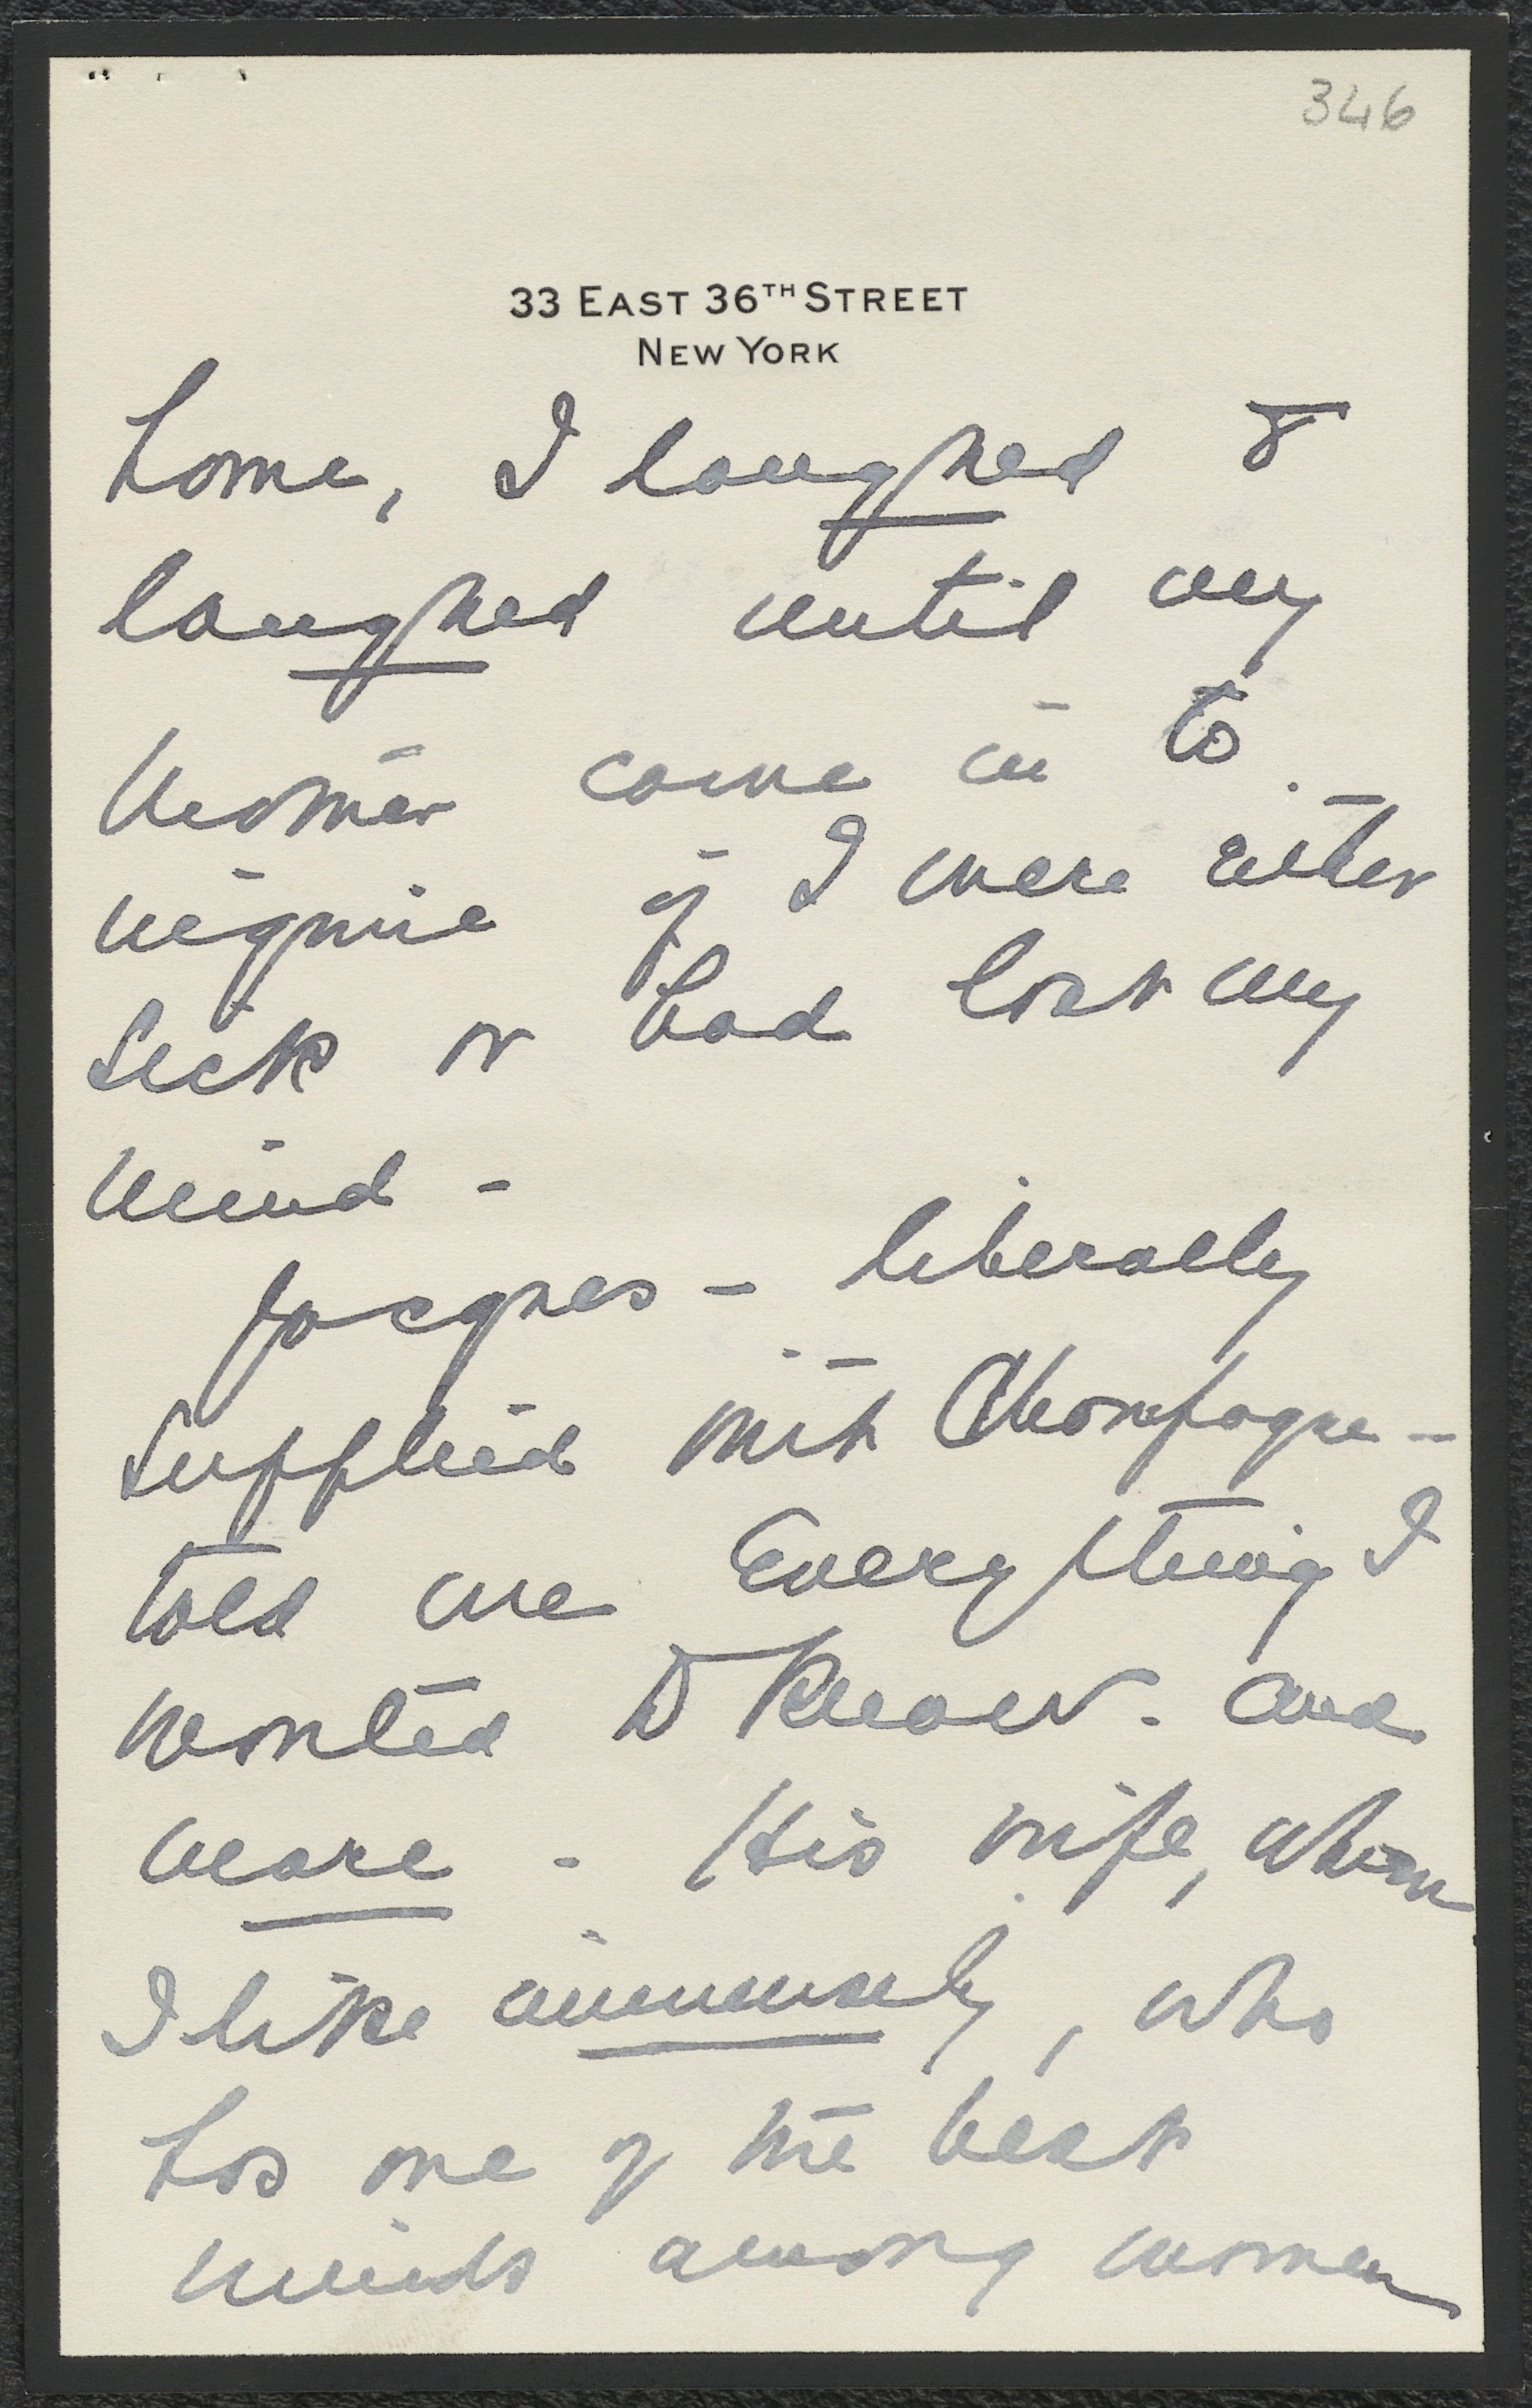home, I laughed & laughed until my Mother came in to inquire if I were either sick or had lost my mind –
Jacques – liberally supplied with champagne – told me every thing I wanted to know – and more – His wife, whom I like immensely, who has one of the best minds among women